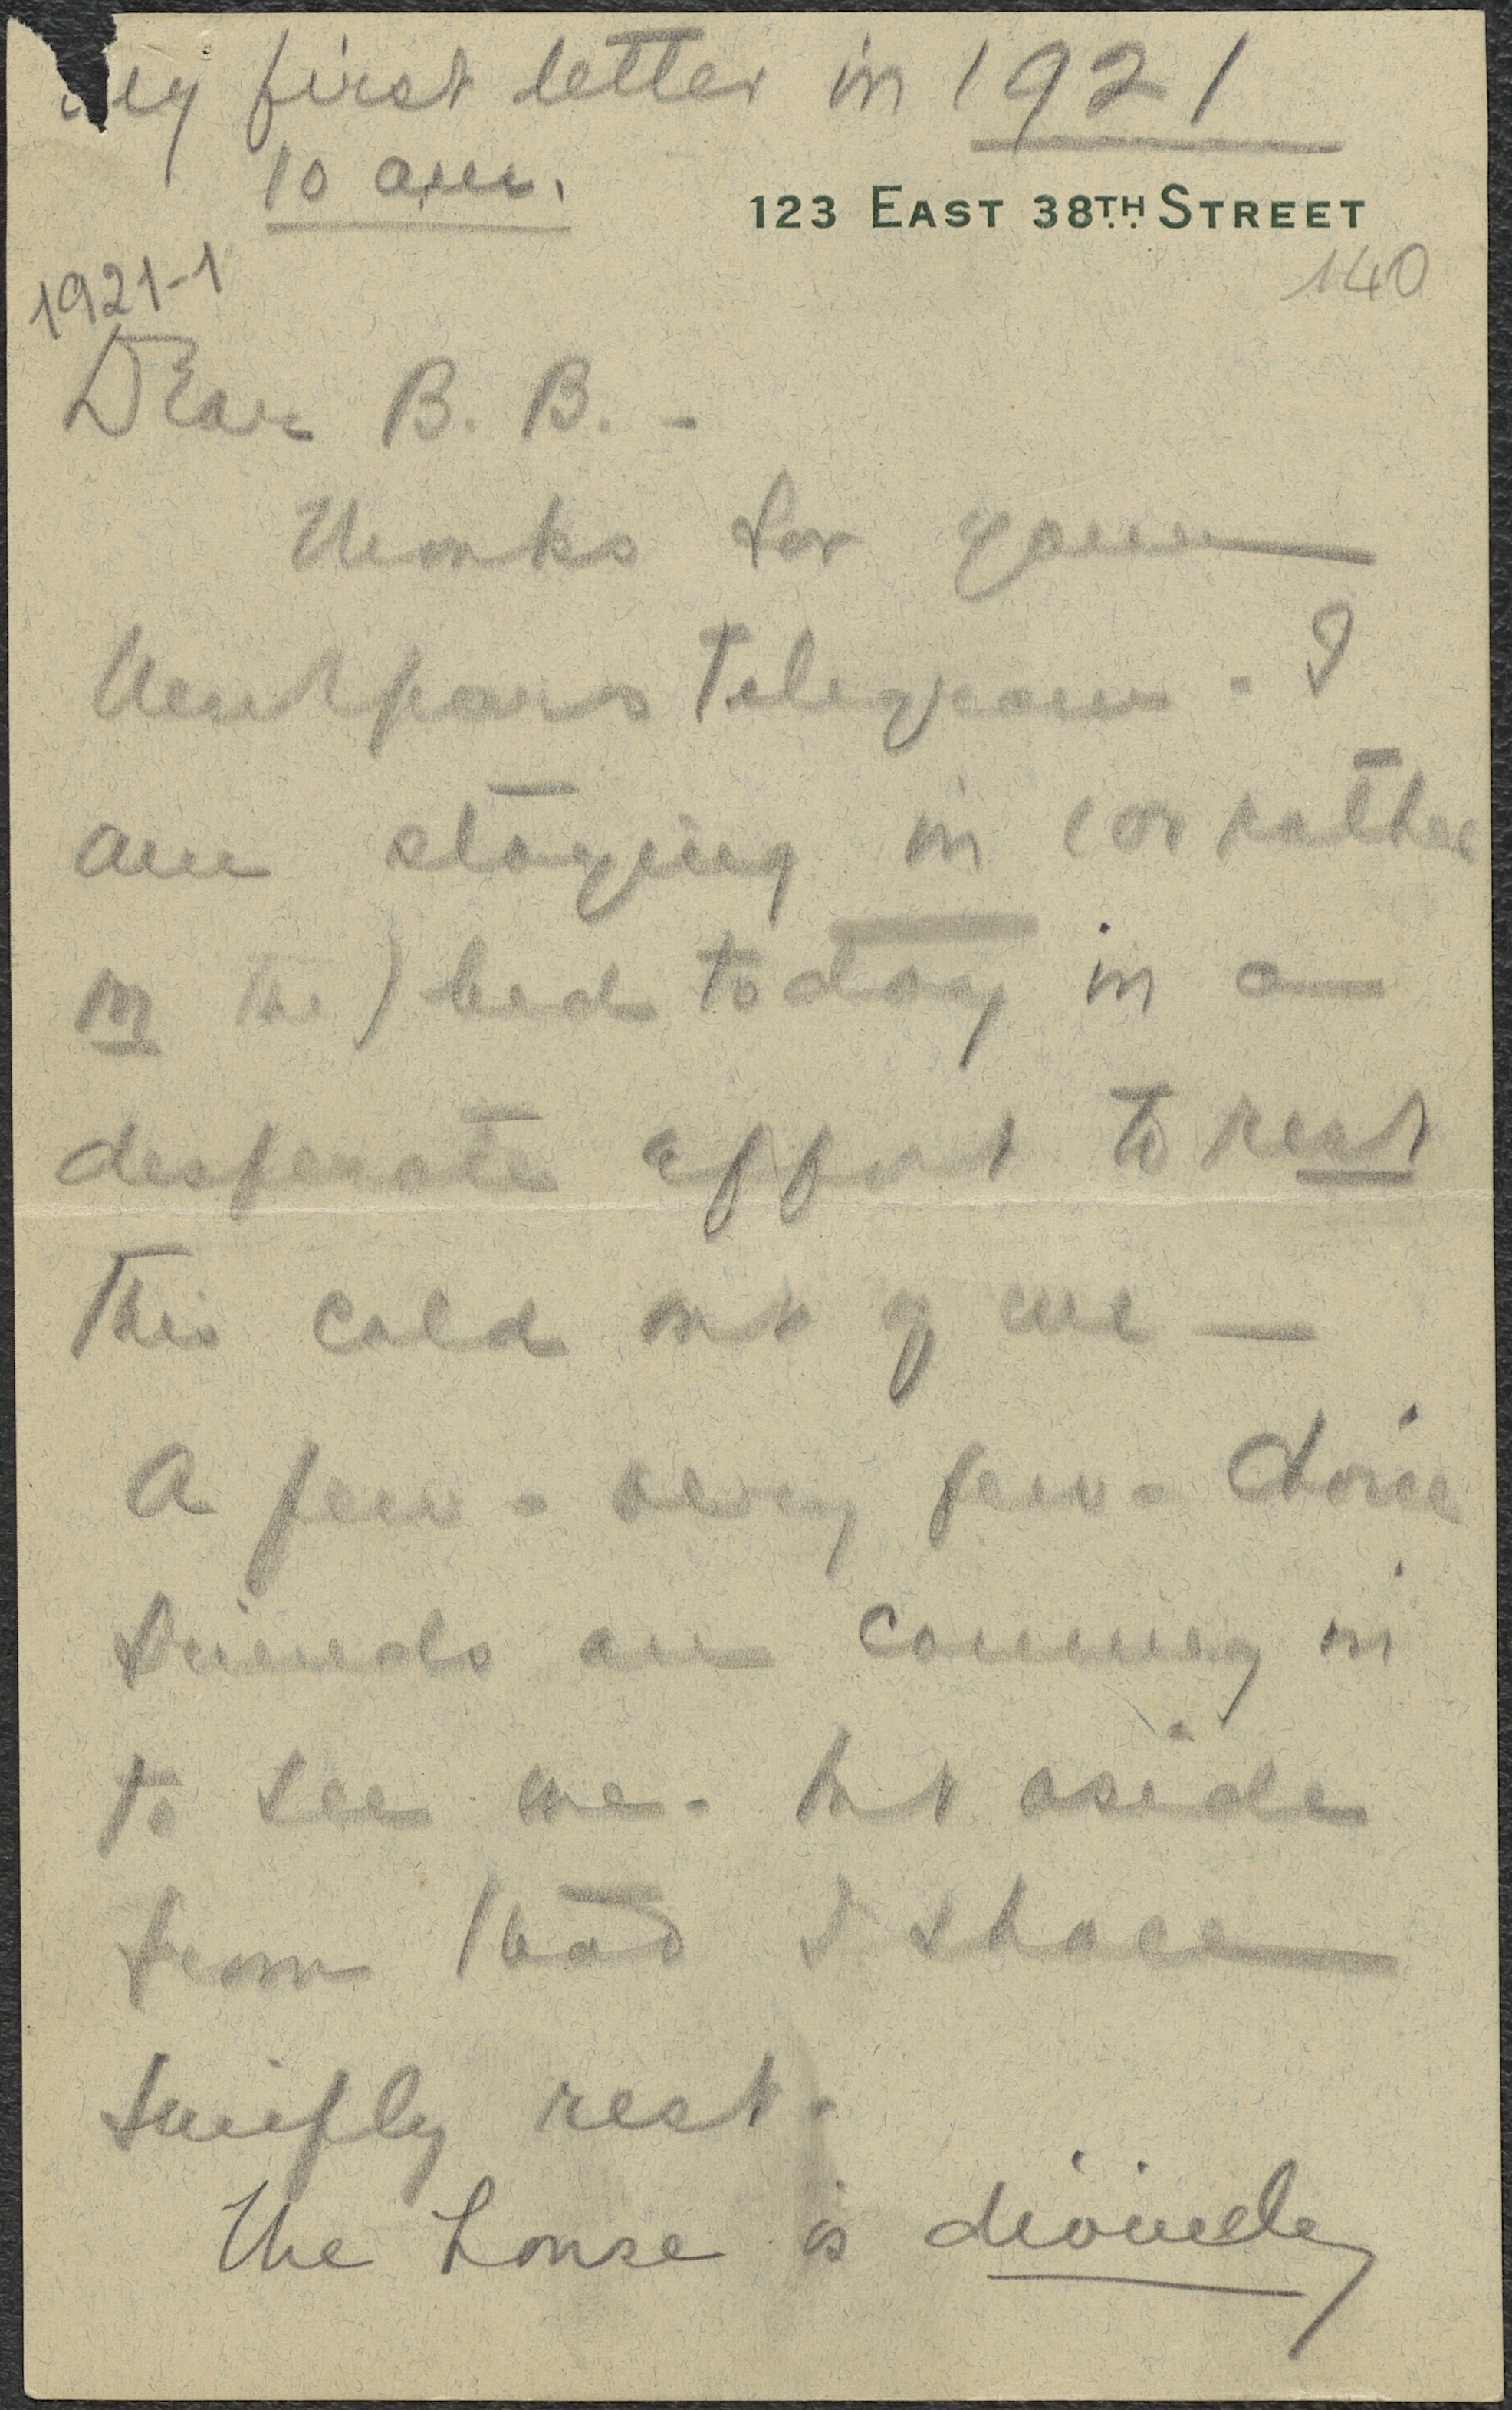My first letter in 1921
10 a.m.
Dear B.B. –
Thanks for your New Years telegram – I am staying in (or rather on the) bed today in a desperate effort to rest this cold out of me –
A few – very few – choice friends are coming in to see me, but aside from that I shall simply rest.
The house is divinely